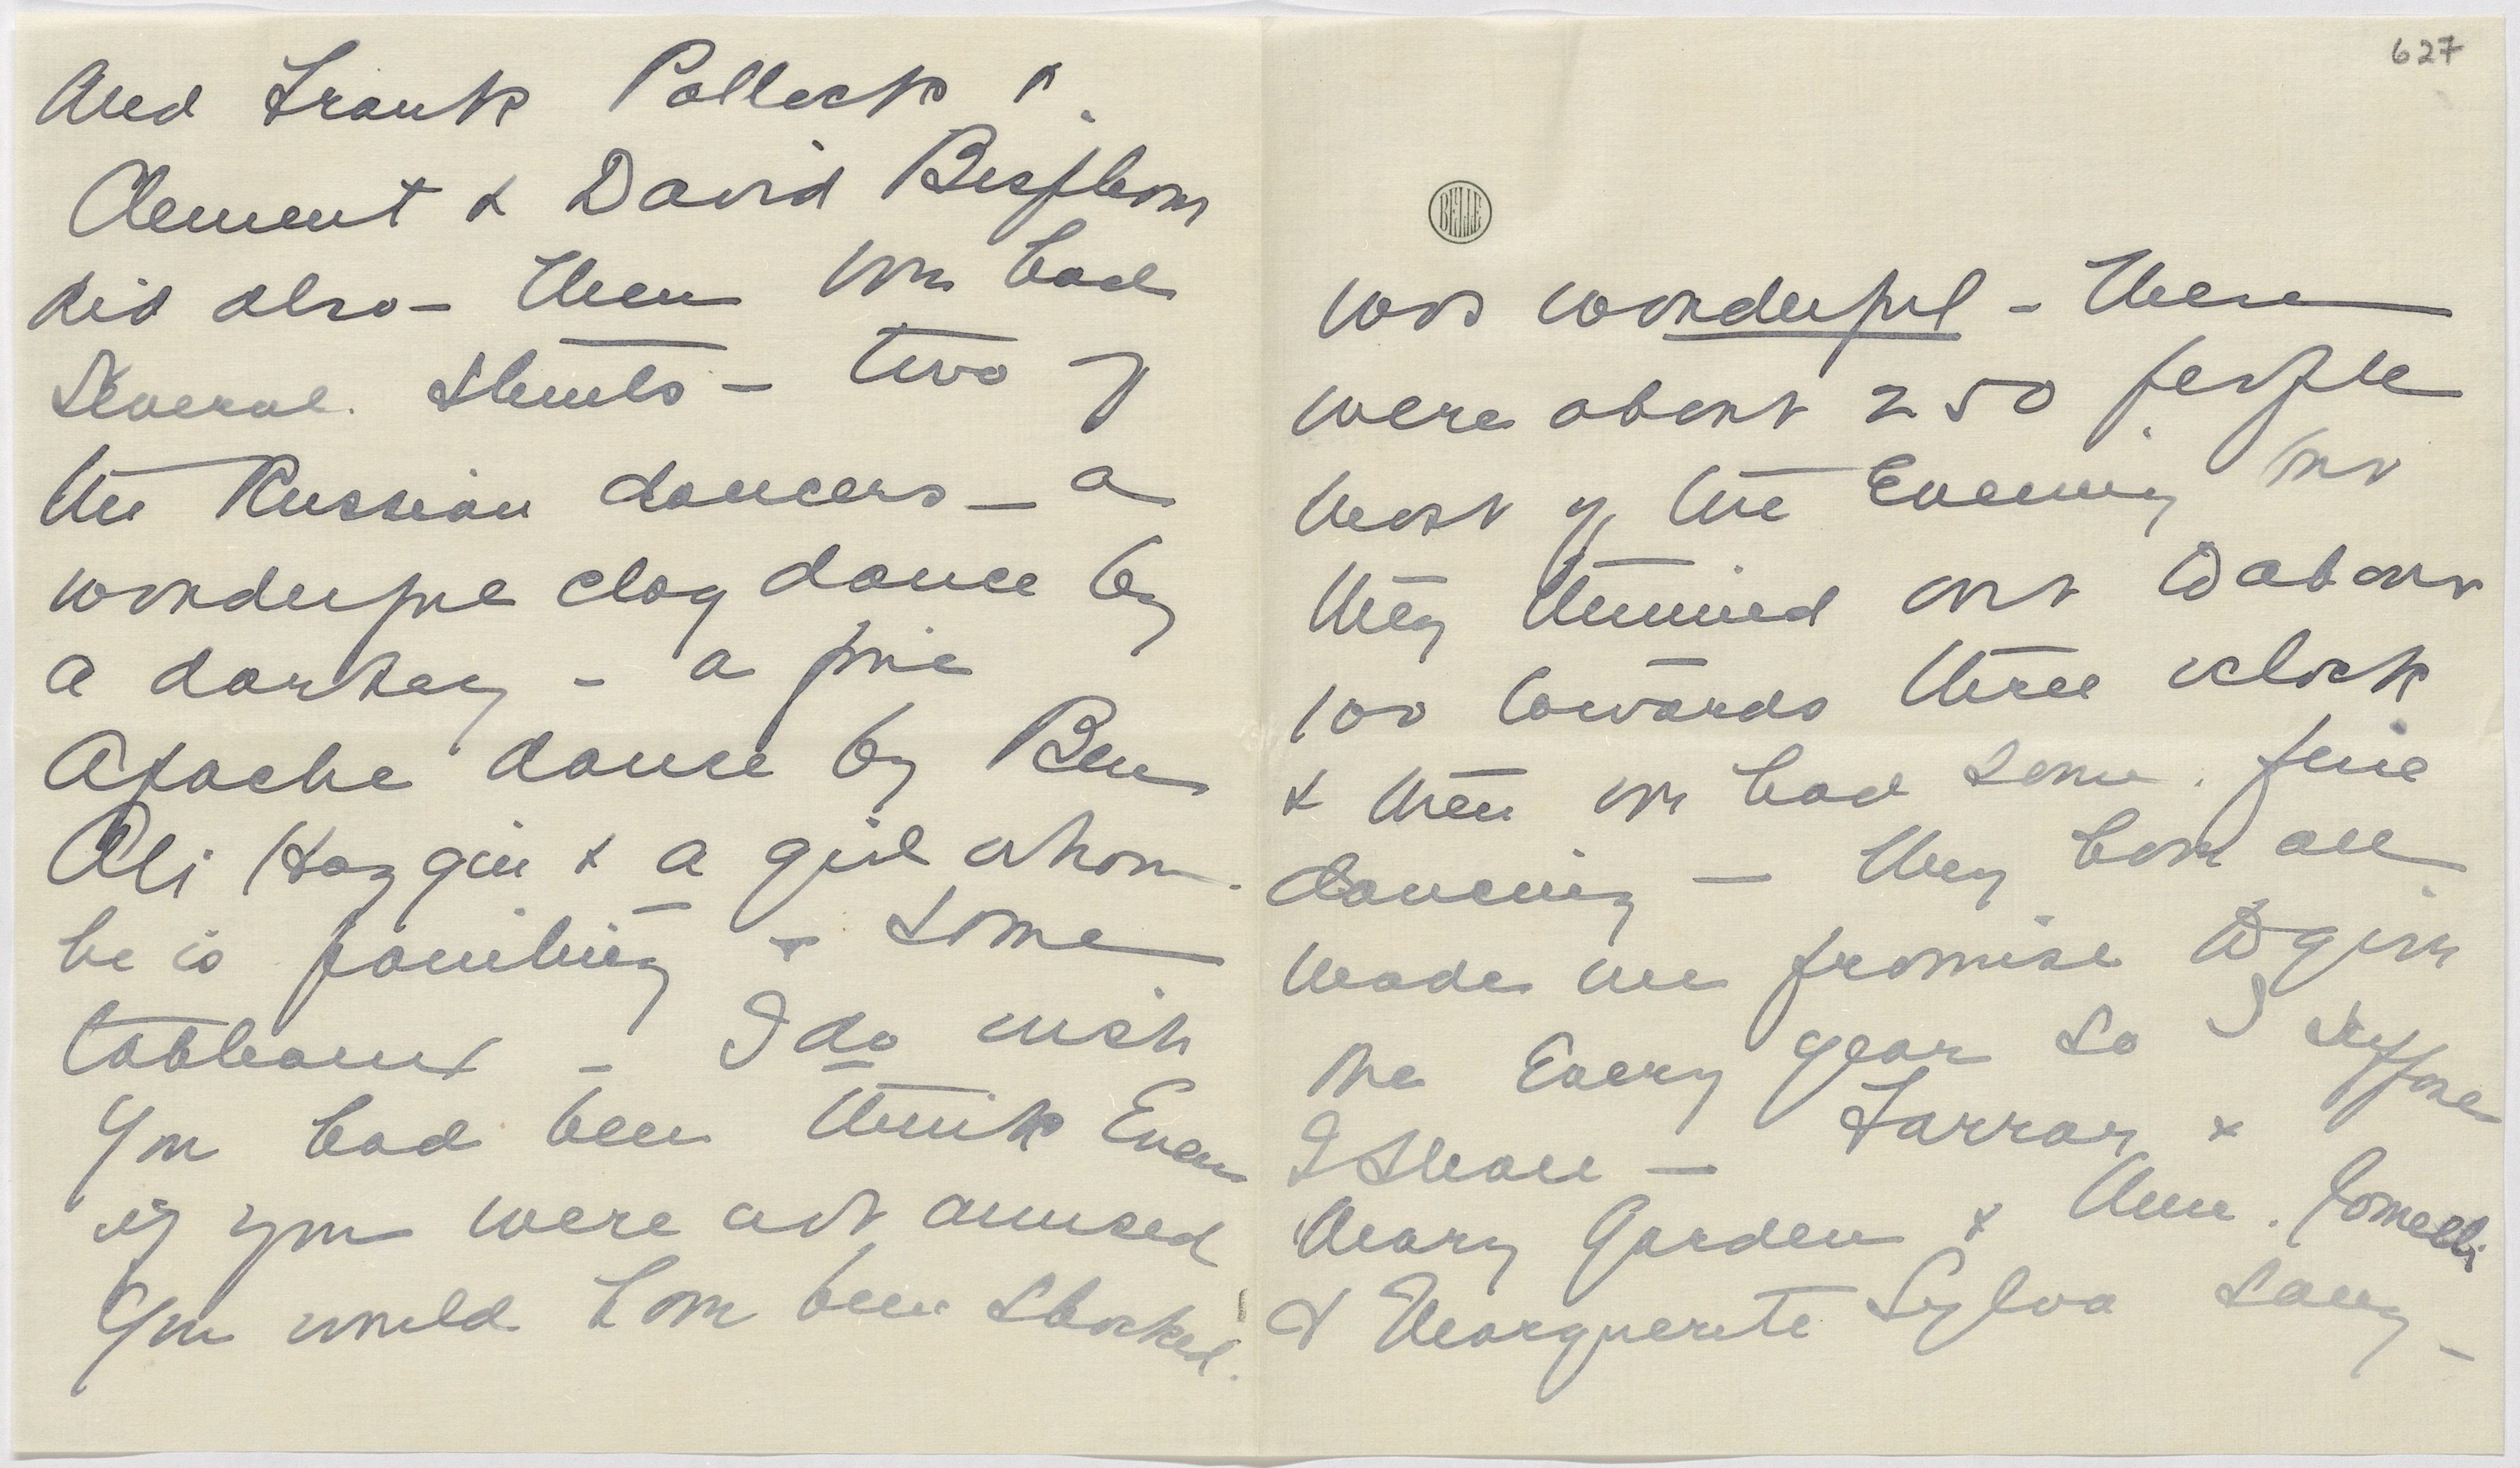was wonderful – There were about 250 people most of the evening but they thinned out to about 100 towards three oclock & then we had some fine dancing – They have all made me promise to give one every year so I suppose I shall – Farrar & Mary Garden & Mme. Jomelli & Marguerite Sylva sang –
and Frank Pollock & Clement & David Bispham did also – Then we had several stunts – two of the Russian dancers – a wonderful clog dance by a darkey – a fine Apache dance by Ben Ali Haggin & a girl whom he is painting & some tableaux – I do wish you had been think Even if you were not amused You would have been shocked!